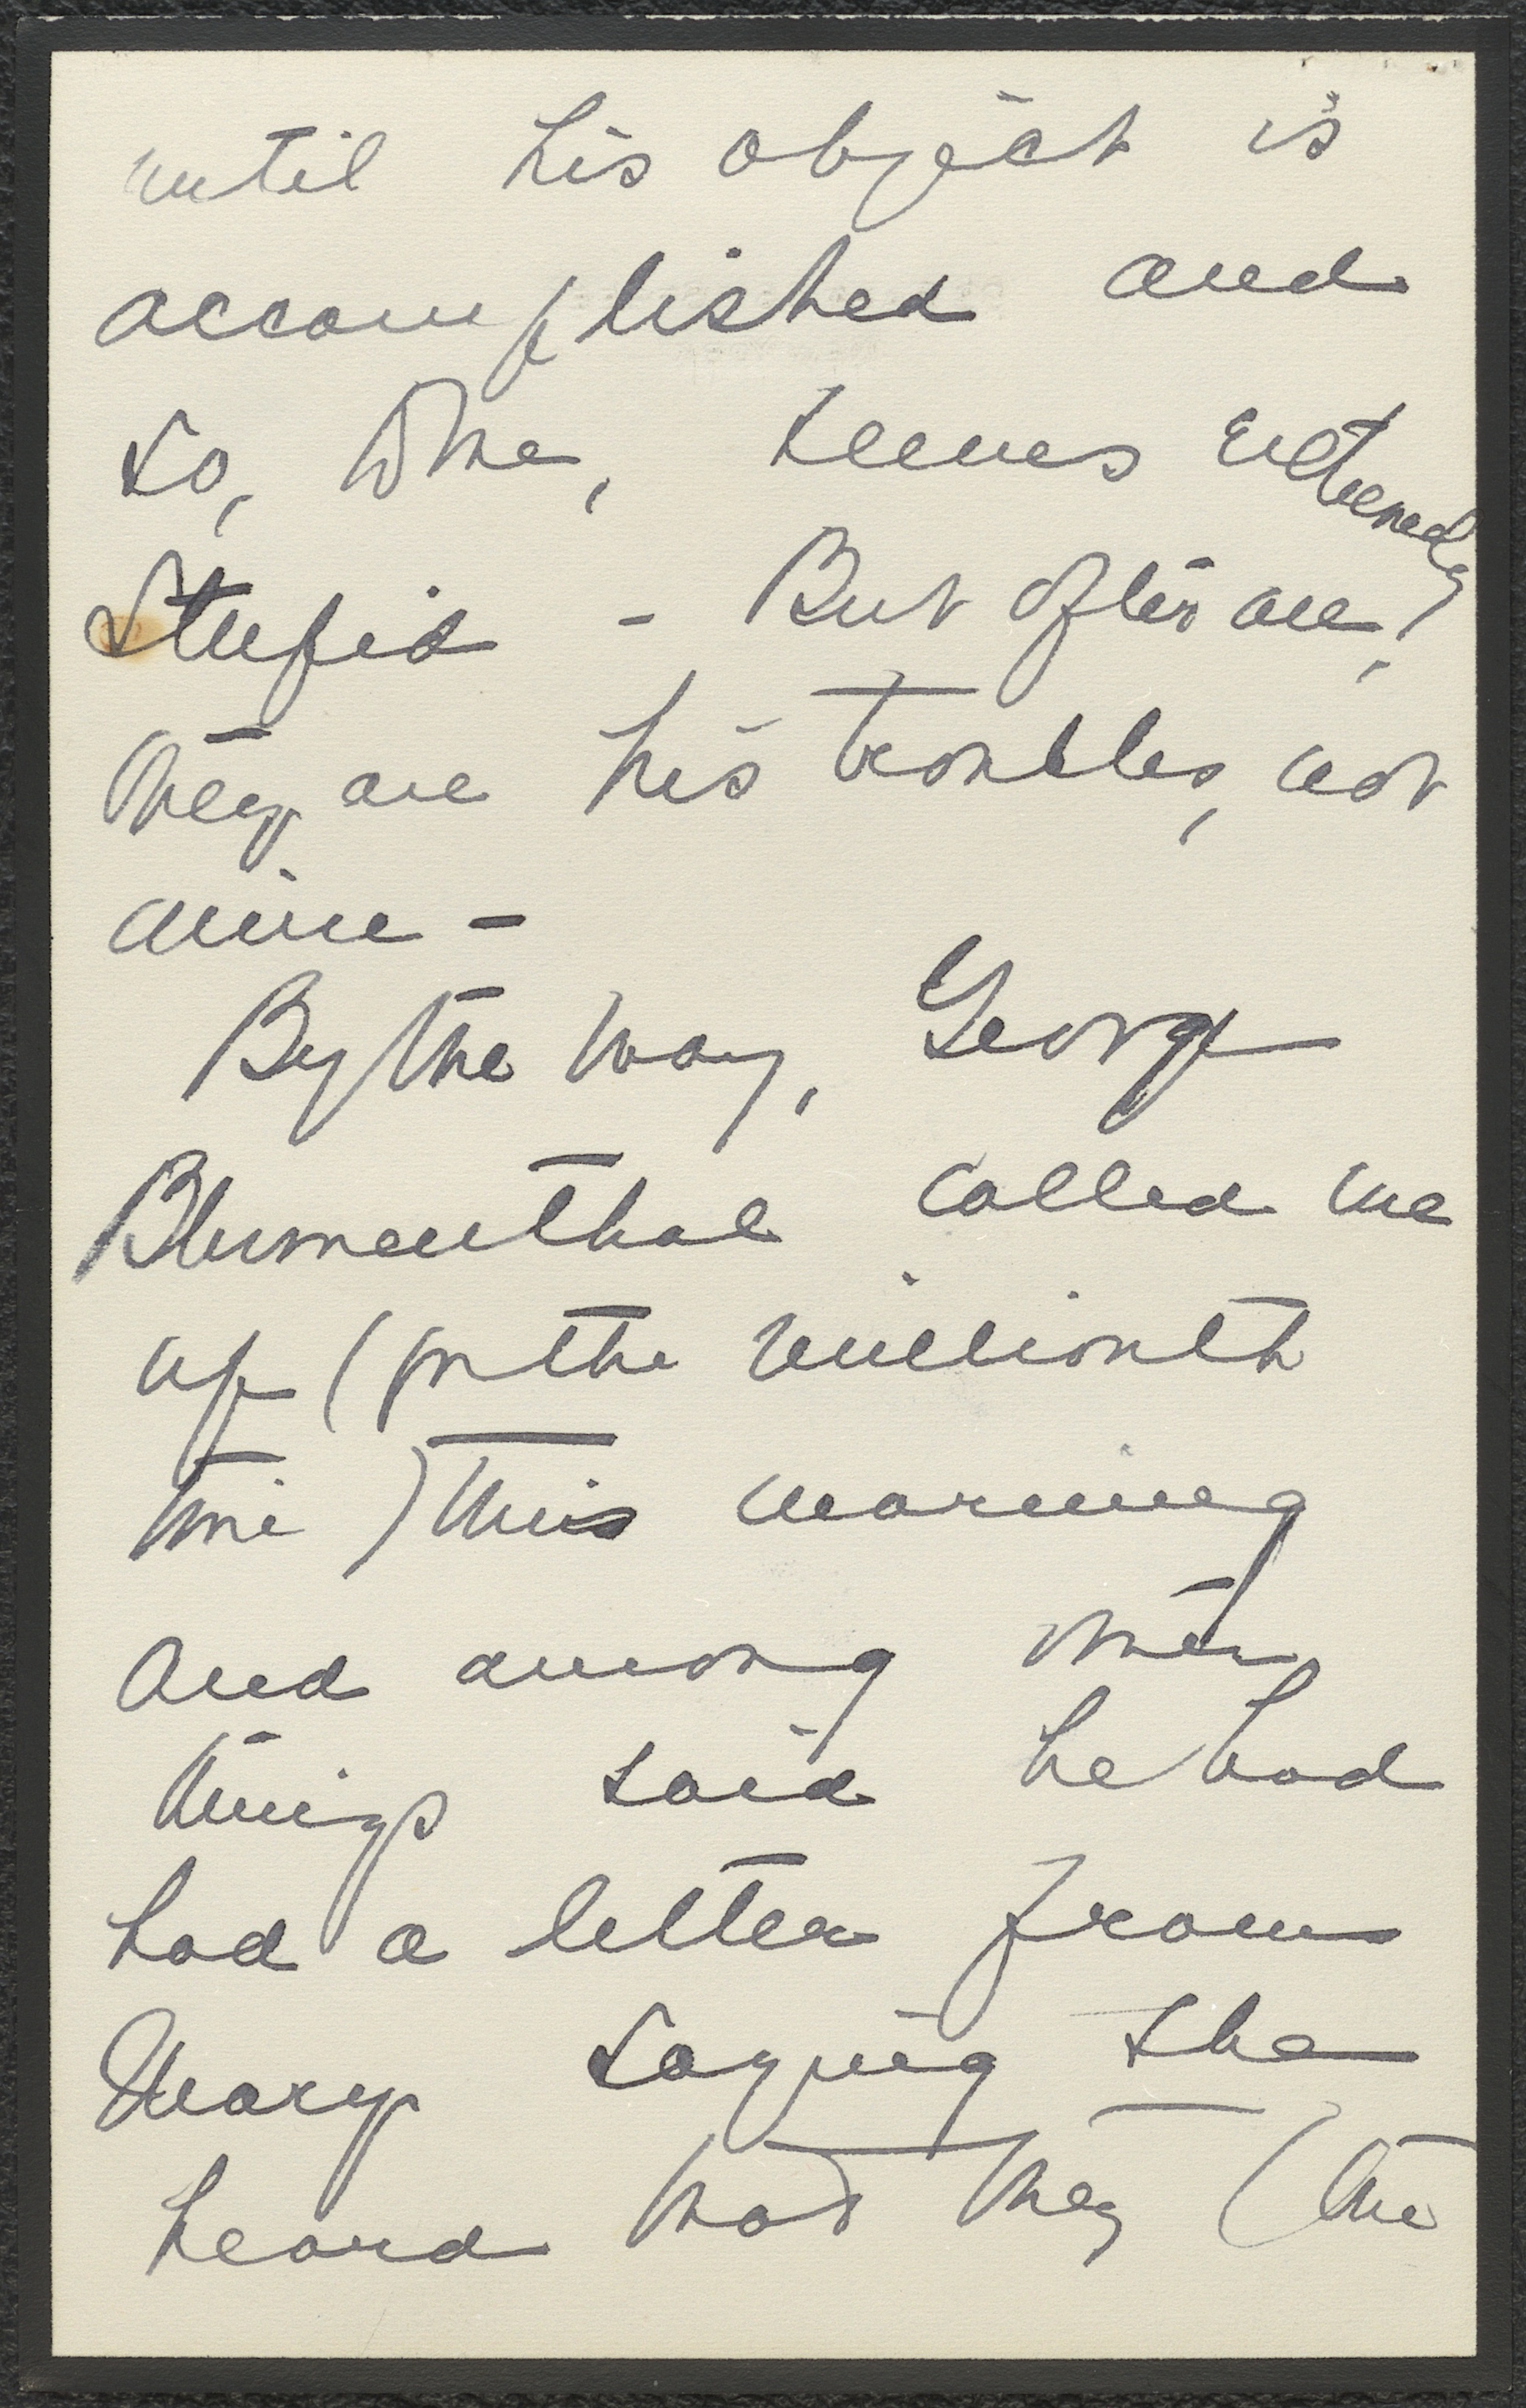until his object is accomplished and so, to me, seems extremely stupid – But after all, they are his troubles, not mine –
By the way, George Blumenthal called me up (for the millionth time) this morning and among other things said he had had a letter from Mary saying she heard that they (the